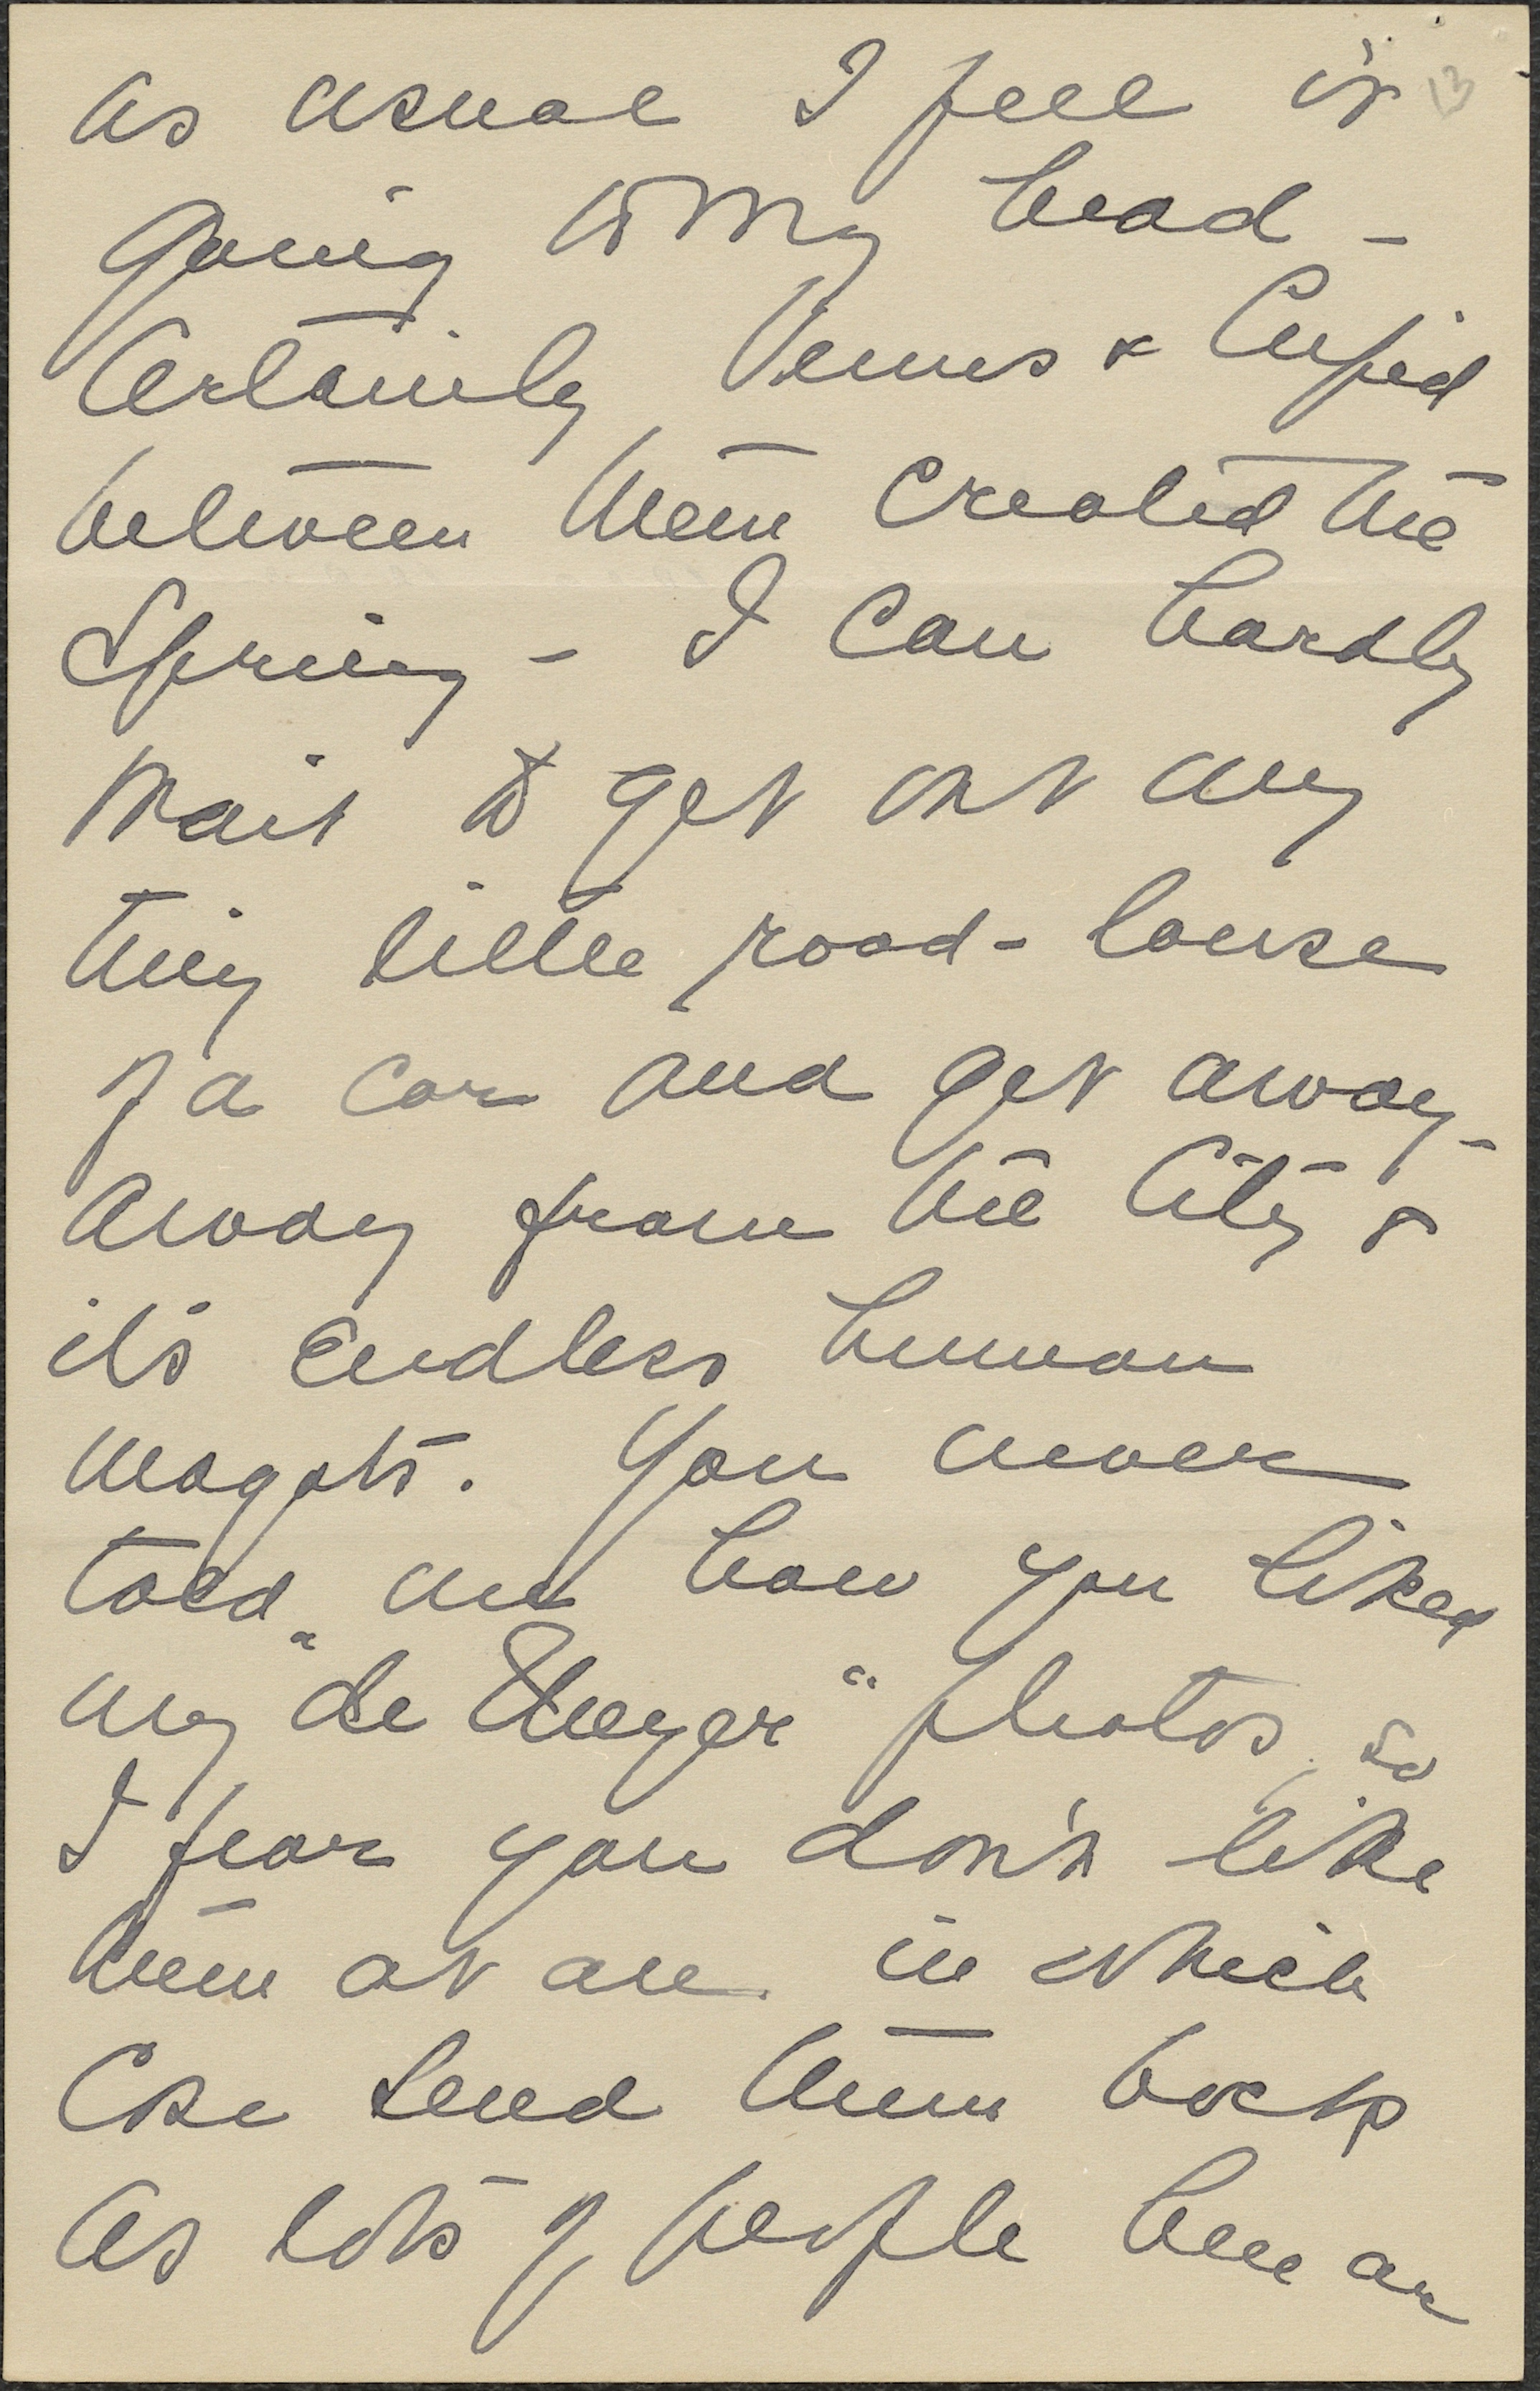as usual I feel it going to my head – certainly Venus & Cupid between them created the Spring – I can hardly wait to get out my tiny little road-louse of a car and get away – away from the city & its endless human magots [sic]. You never told me how you liked my “de Meyer” photos, so I fear you don’t like them at all in which case send them back as lots of people here are